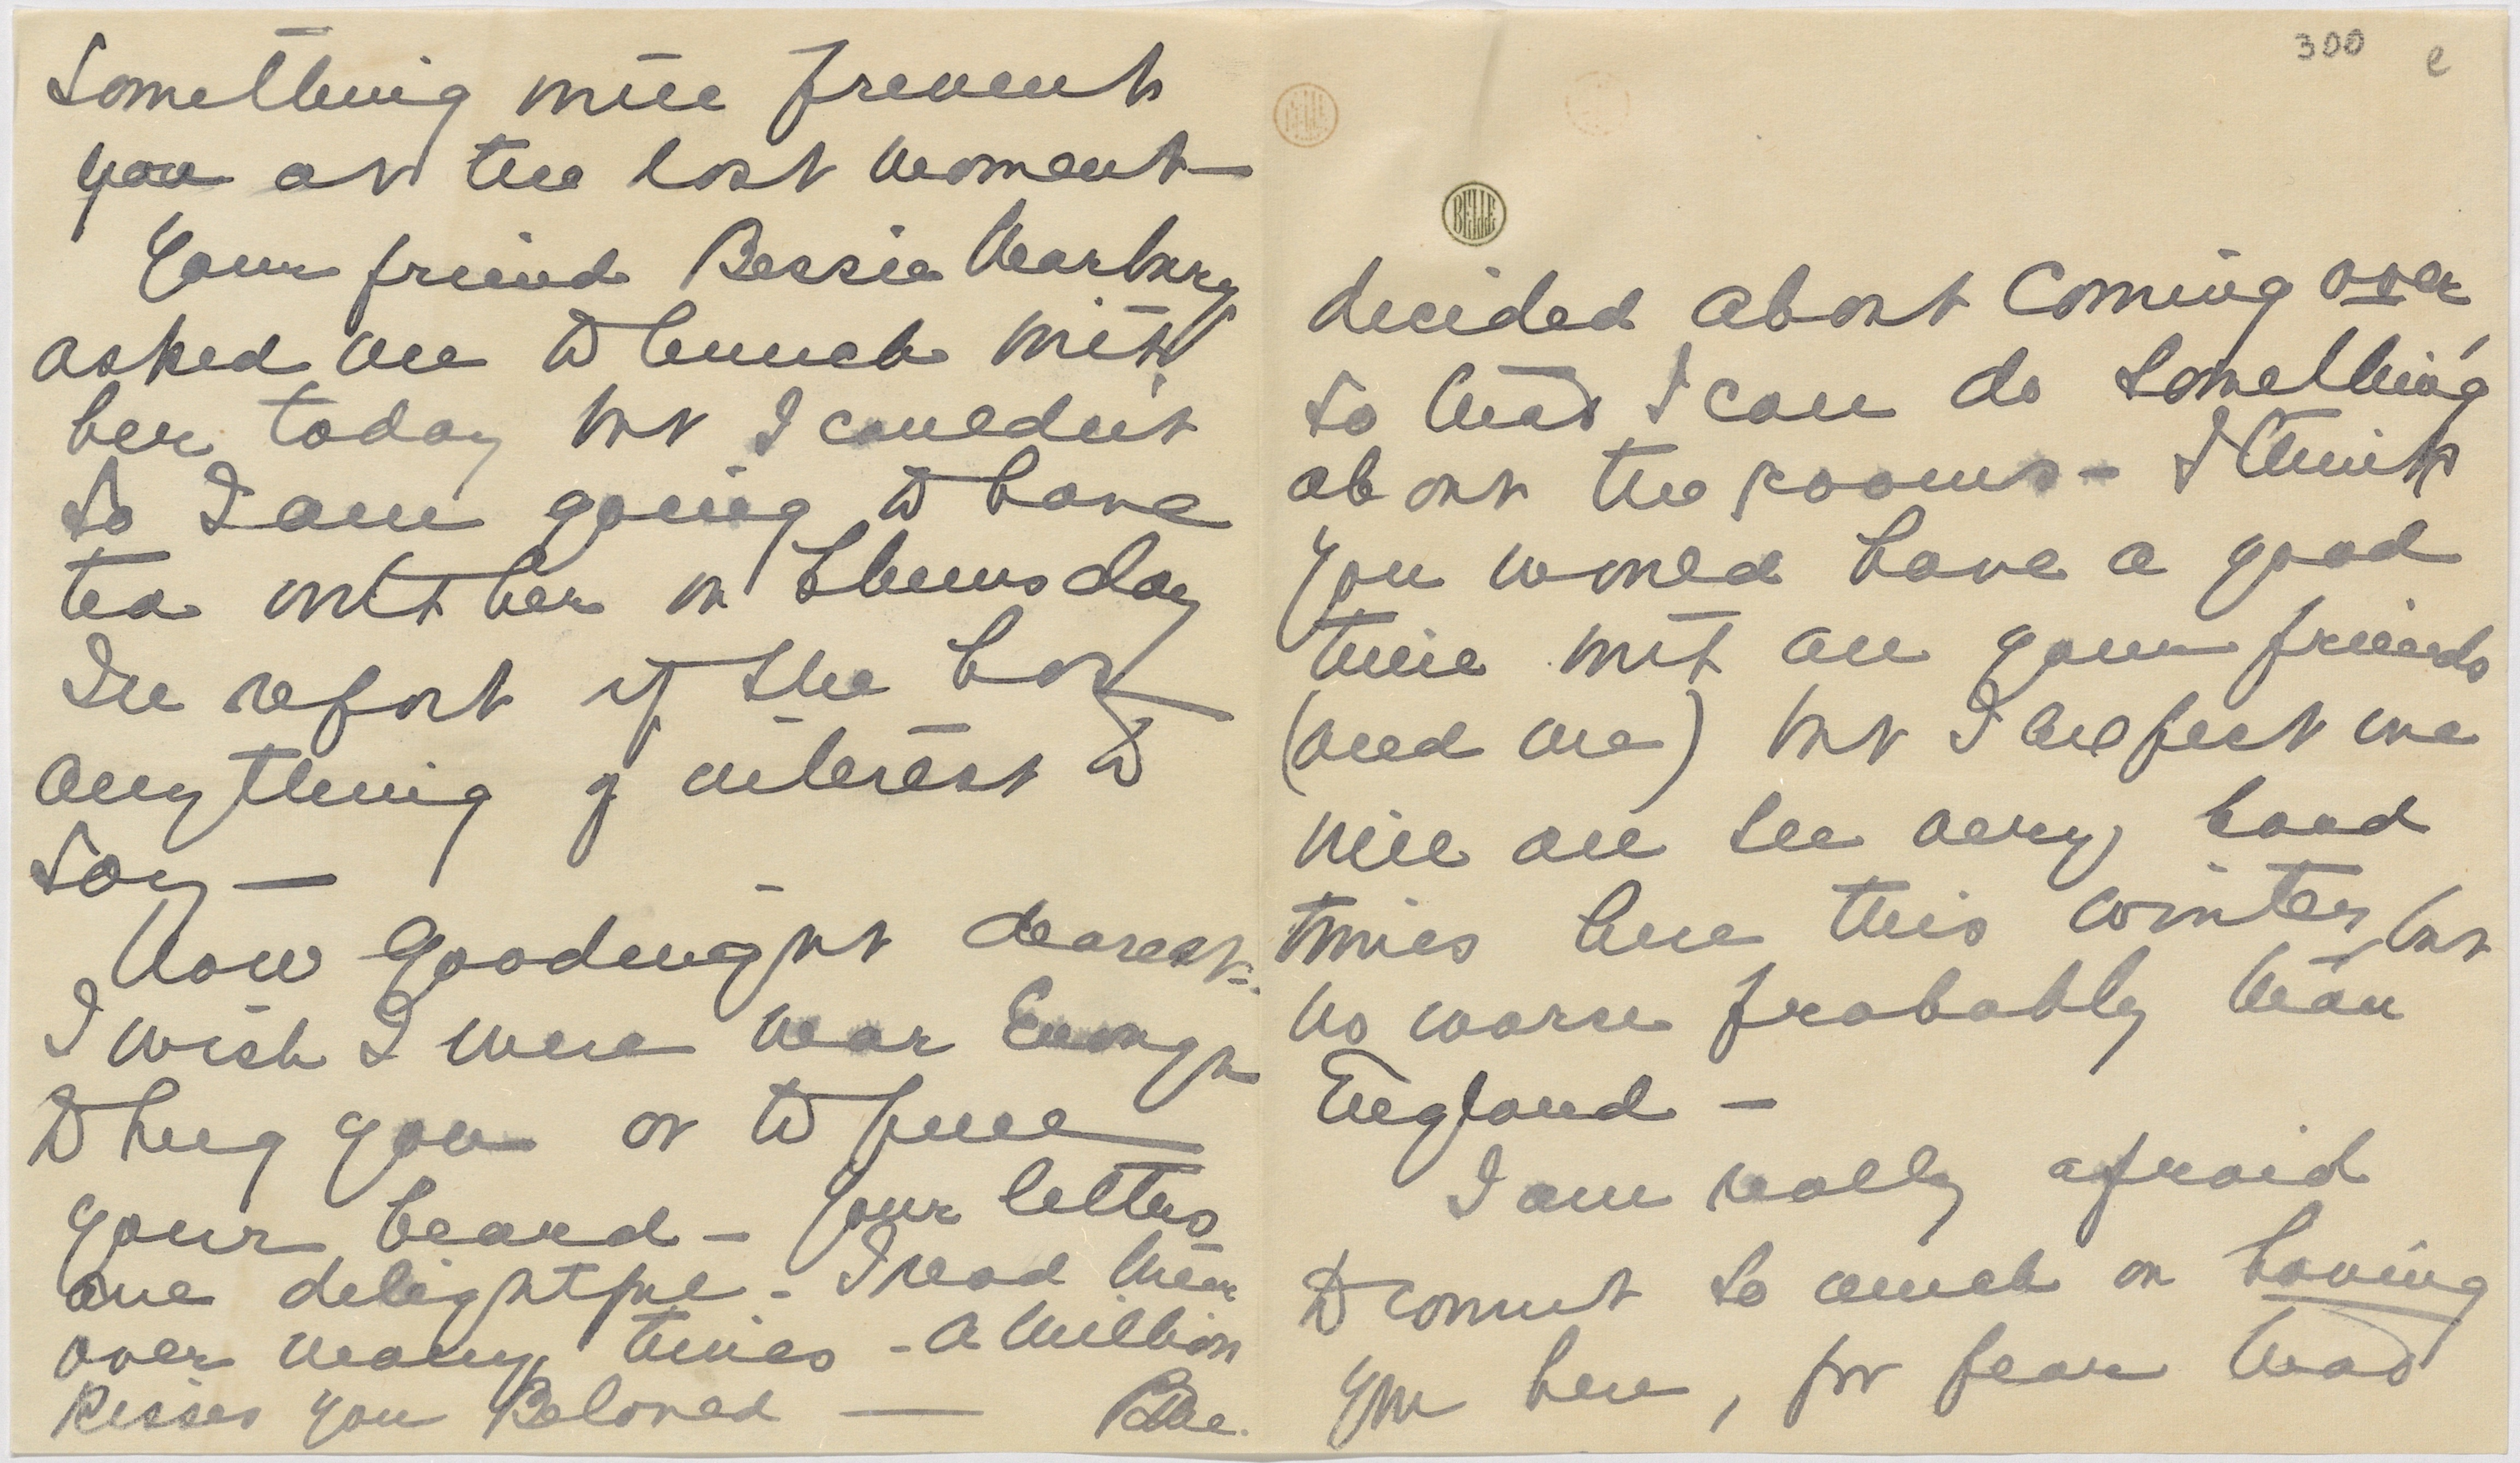decided about coming over, so that I can do something about the rooms – I think you would have a good time with all your friends (and me) but I expect we will all see very hard times here this winter, but no worse probably than England –
I am really afraid to count so much on having you here, for fear that
something will prevent you at the last moment
Your friend Bessie Marbury asked me to lunch with her today but I couldn’t so I am going to have tea with her on Thursday[.] I’ll report if she has anything of interest to say –
Now goodnight dearest. I wish I were near enough to hug you or to pull your beard – Your letters are delightful – I read them over many times – a million kisses you Beloved – Belle